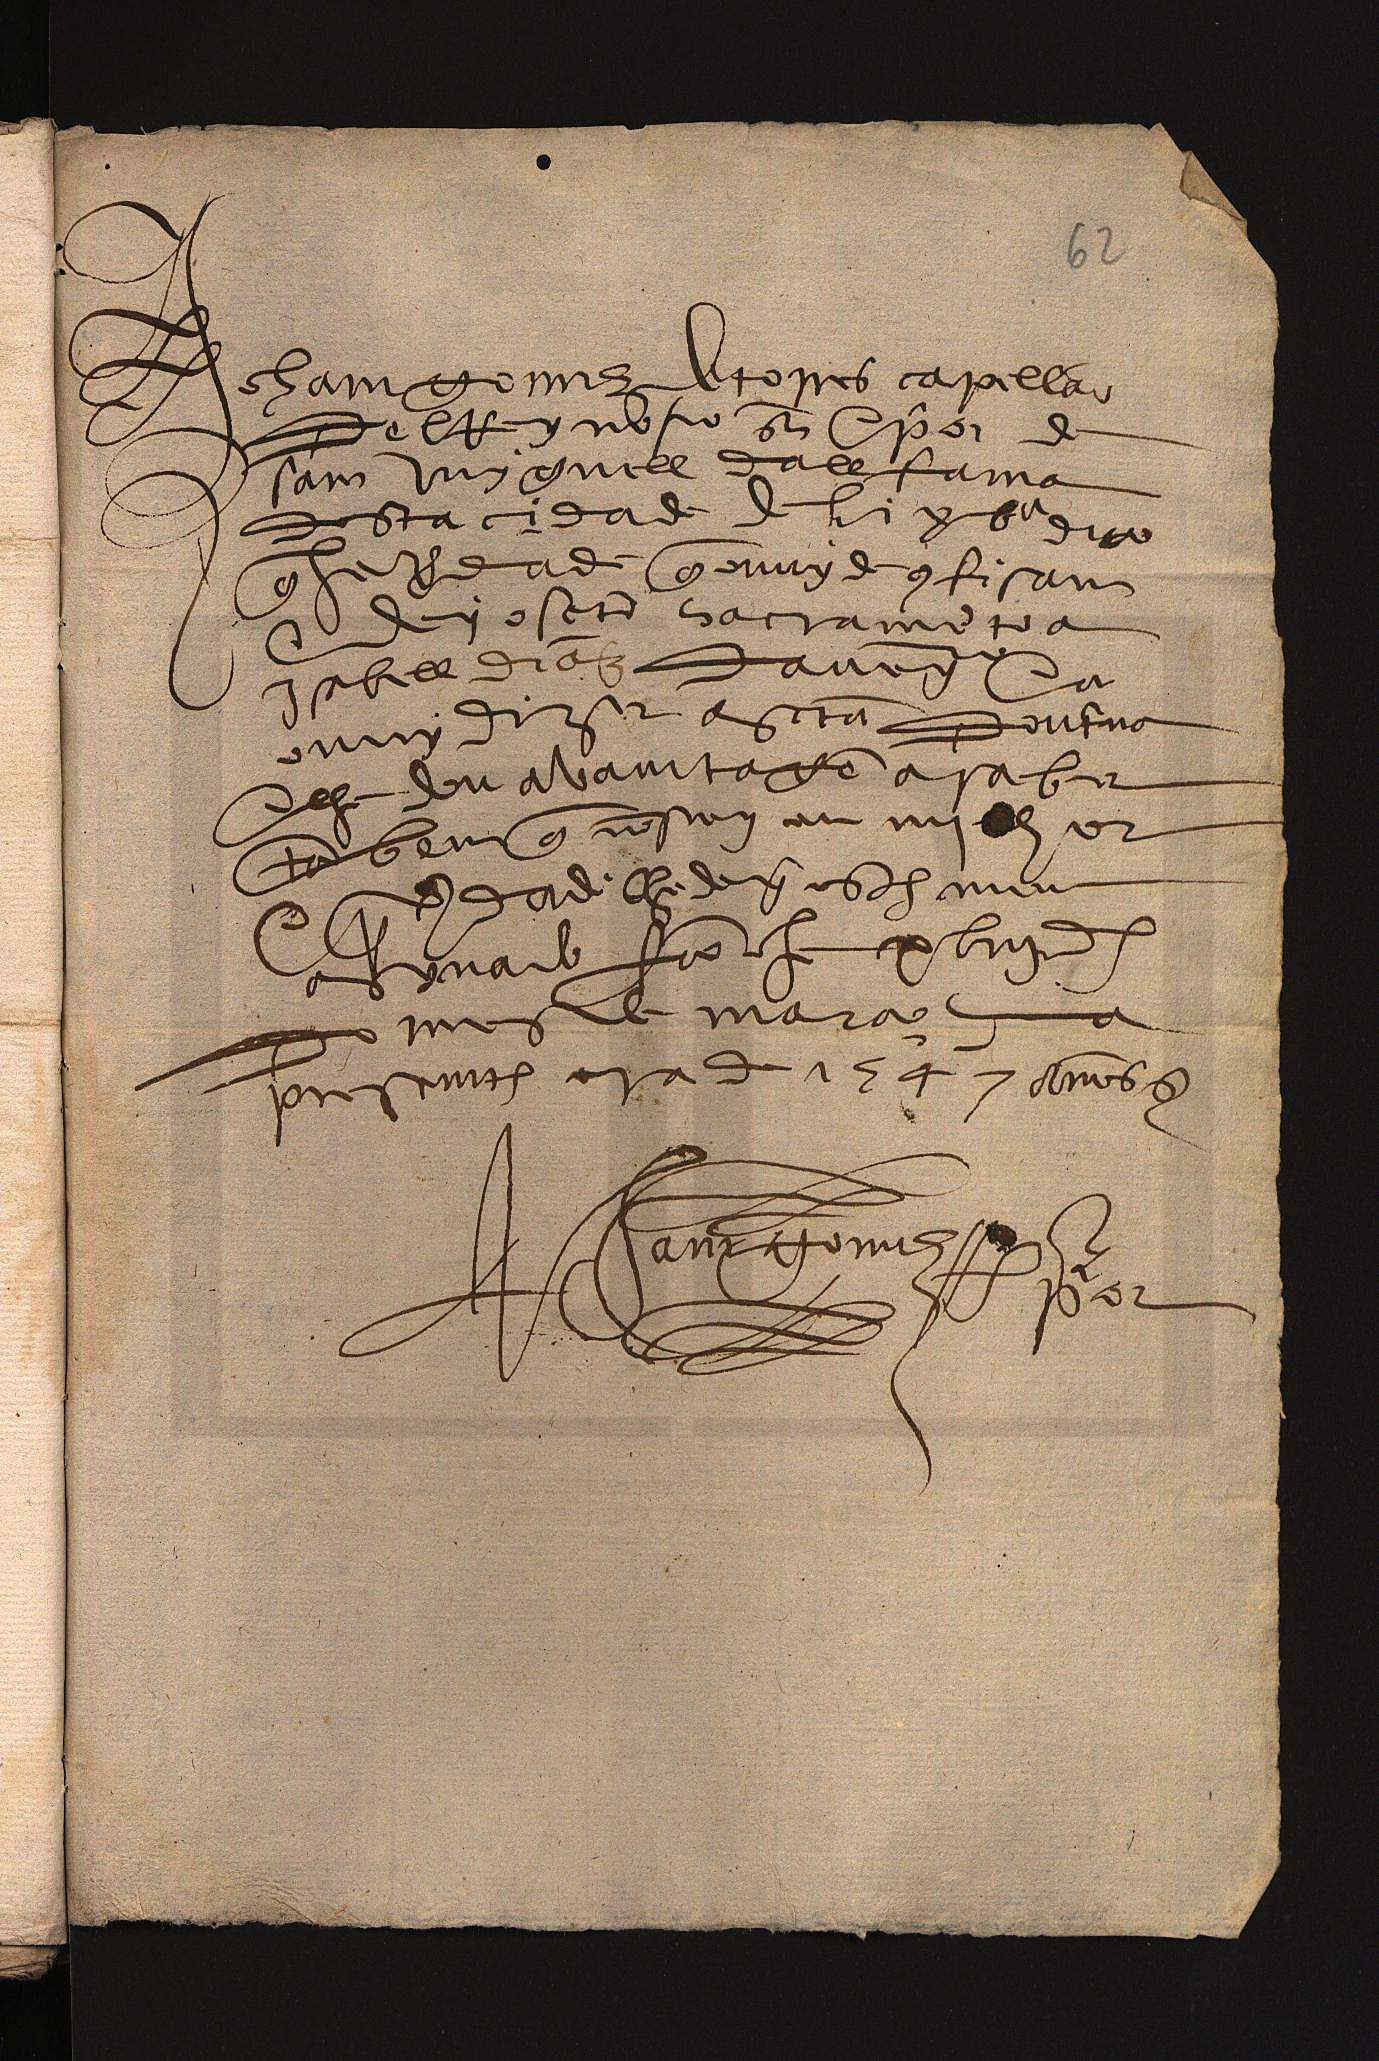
Joham gomez de torres capellão
del Rey noso s̄or e p̄or de
sam myguell dallfama
desta cidade de lixba digo
q̄ he ꝟdade q̄ ouuy de ꝯfisam
e dey o sctō sacramēto a
Jsabell diaz daueyro e a
ouuy dizer a sctā Dout̄na
e lhe dou a vantagē a saber
tābem q̄ nō sey eu mjlhor
e p̄o ꝟdade lhe dey este meu
asynado fc̄o oJe xbiij dj
do mes de março da
presemte era de 1547 An̄os
Jam gomez
prior
